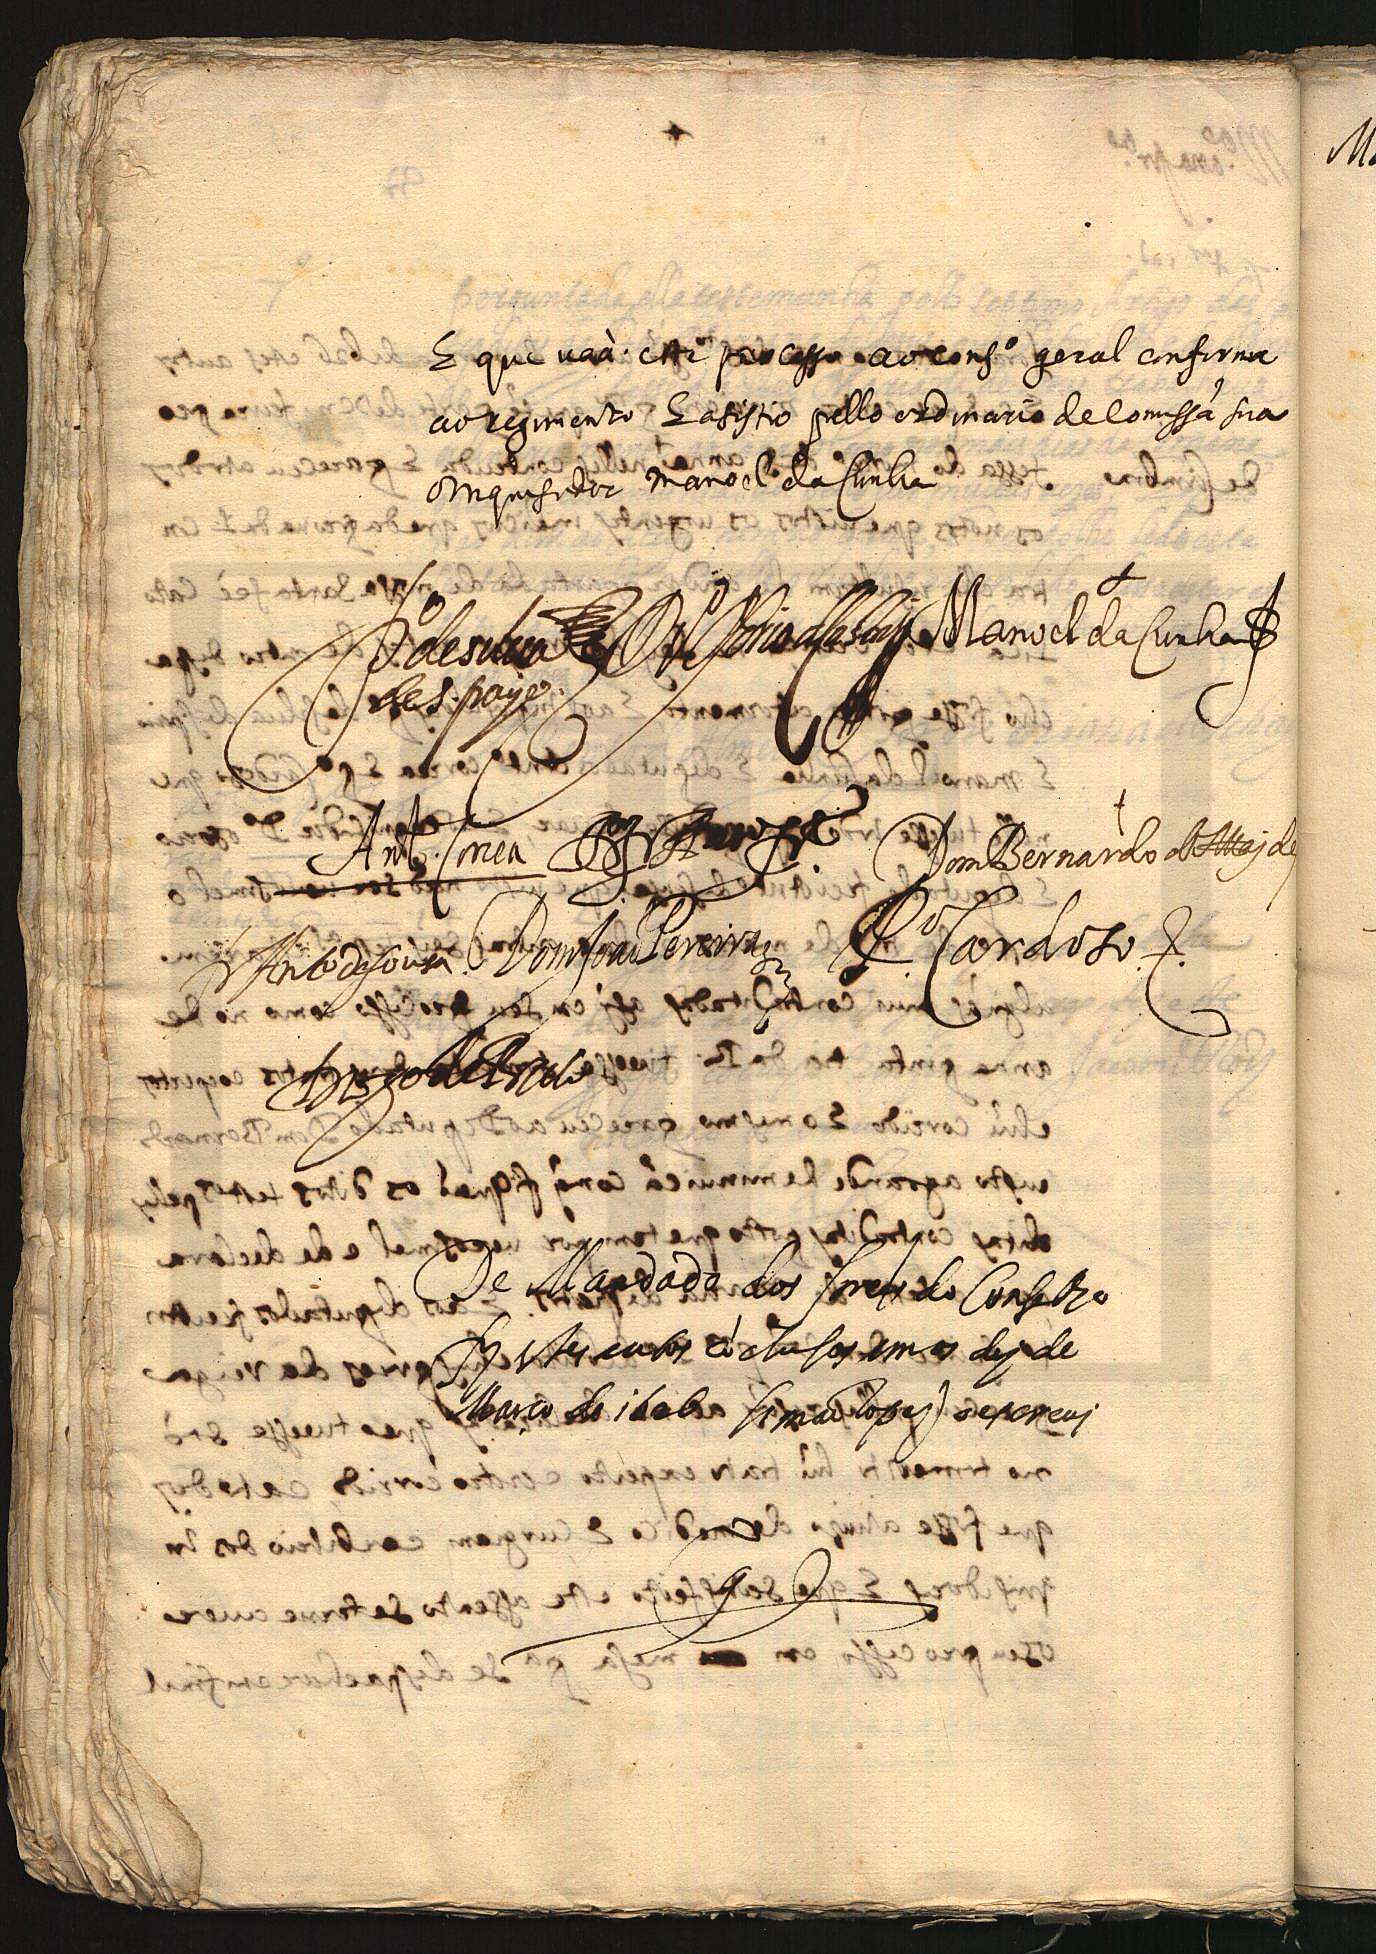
E que uaà este processo ao conso geral conforme
ao regimento E asistio pello ordinario de comissā sua
o inquisidor manoel da Cunha
De Mandado dos Snres̄ do Conselho
fiz estes autos cōclusos em os dez de
Março de i626 Simaõ lopez o escreuj
